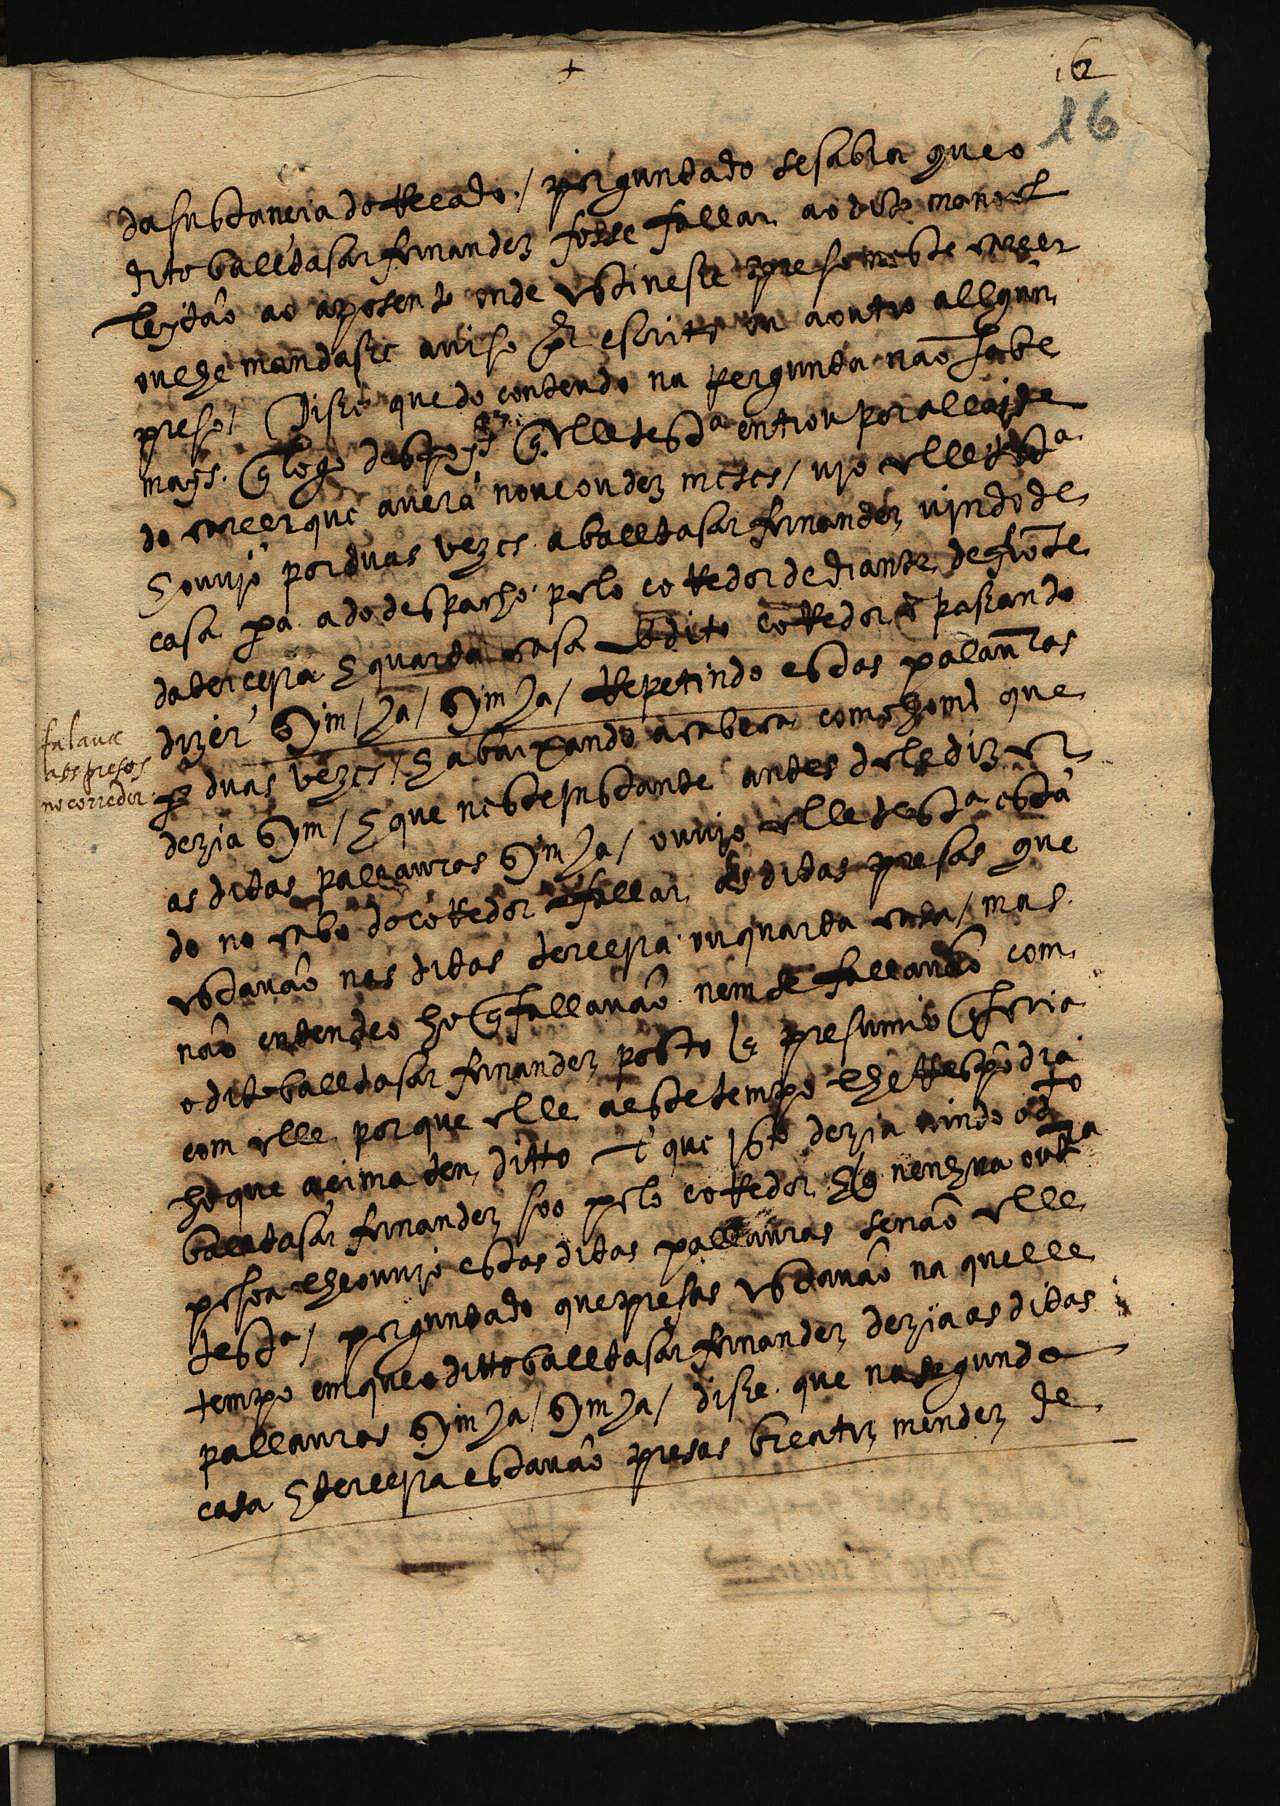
falaua
aos presos
no corredor
da sustançia do Recado. / perguntado se sabia que o
dito balltasar fernandez fosse fallar ao dito manoel
leytaõ ao aposento onde estiuesse preso neste carcer
ou lhe mandasse auiso por escrito ou a outro allgun
preso/ Disse que do conteudo na pergunta naõ sabe
mays. q̄ logo despoys q̄ elle testa entrou por alcajde
do carcer que auera noue ou dez meses / ujo elle testa
E ouujo por duas vezes a balltasar fernandez ujndo de
casa ꝑa a do despacho polo coRedor de diante defrōte
da terçejra E quarta casa do dito coRedor e passando
dizer sym / Ja / sym Ja / Repetindo estas palauras
ꝑ duas vezes / E abaixando a cabeça como homē que
dezia sym / E que neste jnstante antes dele dizer
as ditas pallauras sym Ja / ouujo elle testa estā
do no cabo do coRedor fallar as ditas presas que
estauaõ nas ditas tercejra ou quarta casa / mas
naõ entendeo ho q̄ fallauaõ nem se fallauaõ com
o dito balltasar fernandez posto q̄ presumio q̄ seria
com elle porque elle a este tempo lhe Respōdia
ho que acima tem ditto E que jsto dezia uindo o dto
balltasar fernandez soo polo coRedor E q̄ nenhua outra
pesoa lhe ouujo estas ditas pallauras senaõ elle
testa / perguntado que presas estauaõ naquelle
tempo em que o ditto balltasar fernandez dezia as ditas
pallauras sym Ja / sym Ja / disse que na segunda
casa E tercejra estauaõ presas breatiz mendez de
